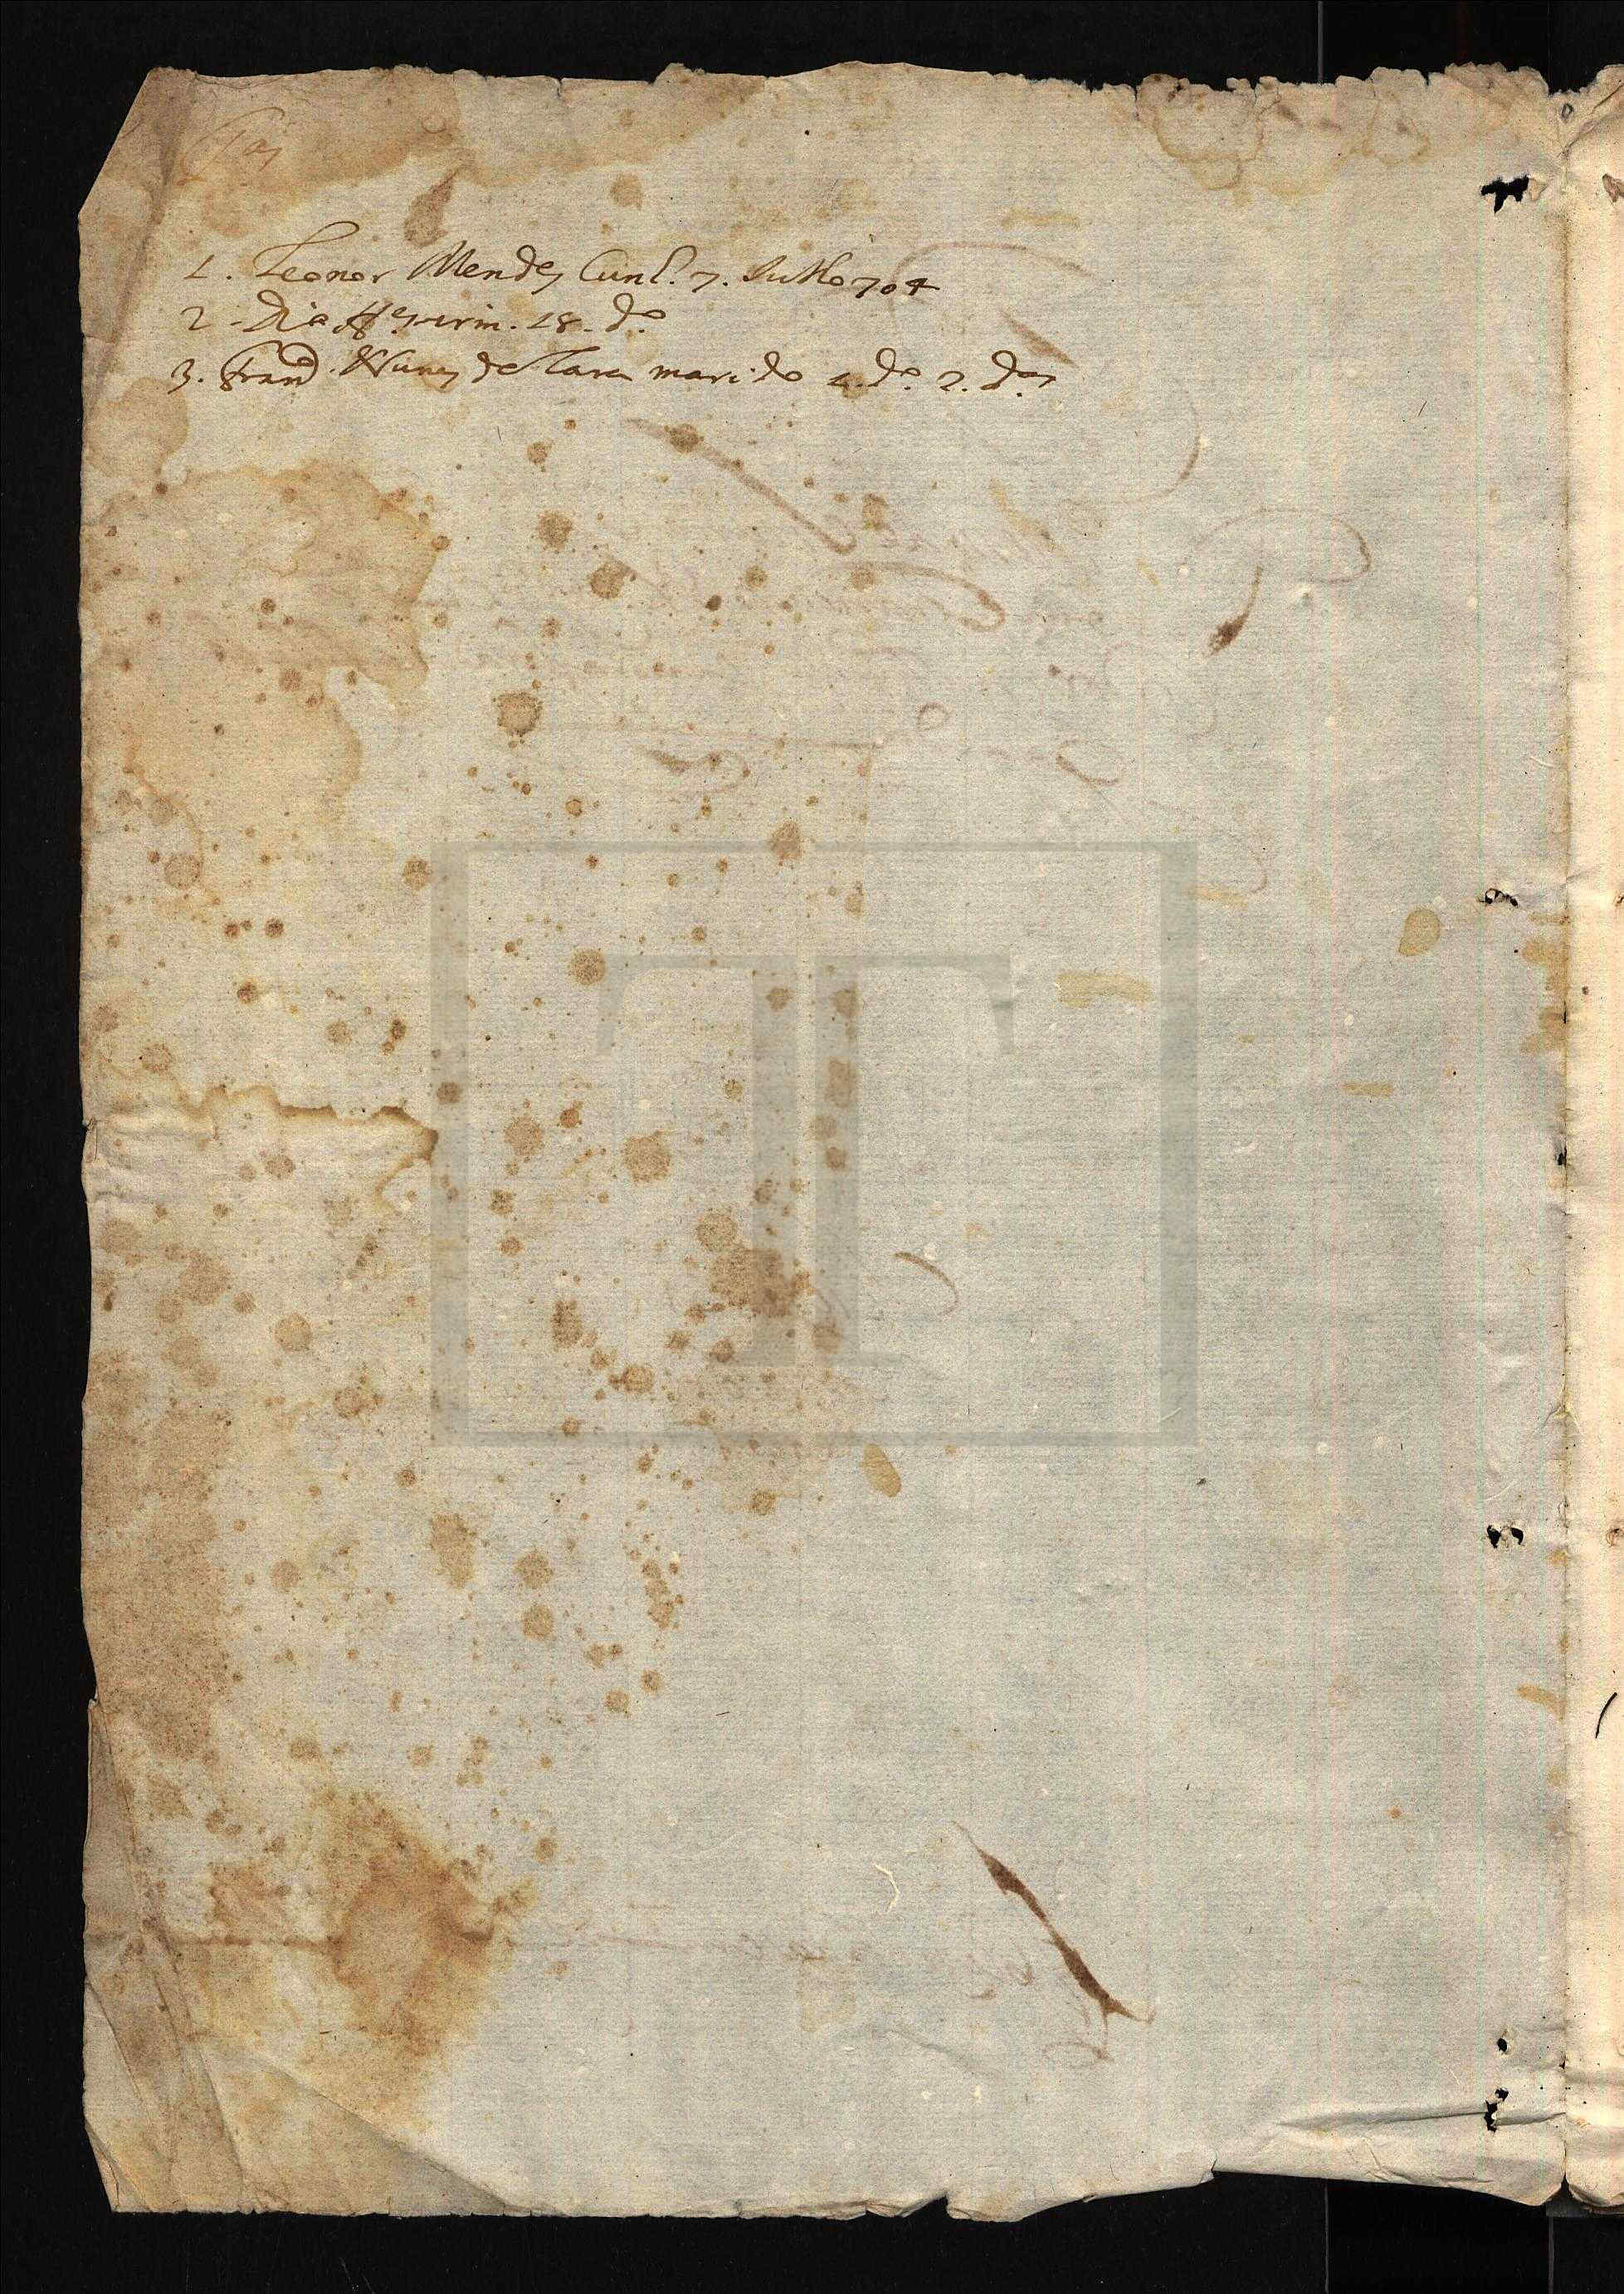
Tas
1. Leonor Mendes Cunh. 7. Iulho 704
2. D à H.es irm. 18. d.o
3. Franco. Nunes de Lara marido 1. d.o 2. d.as
